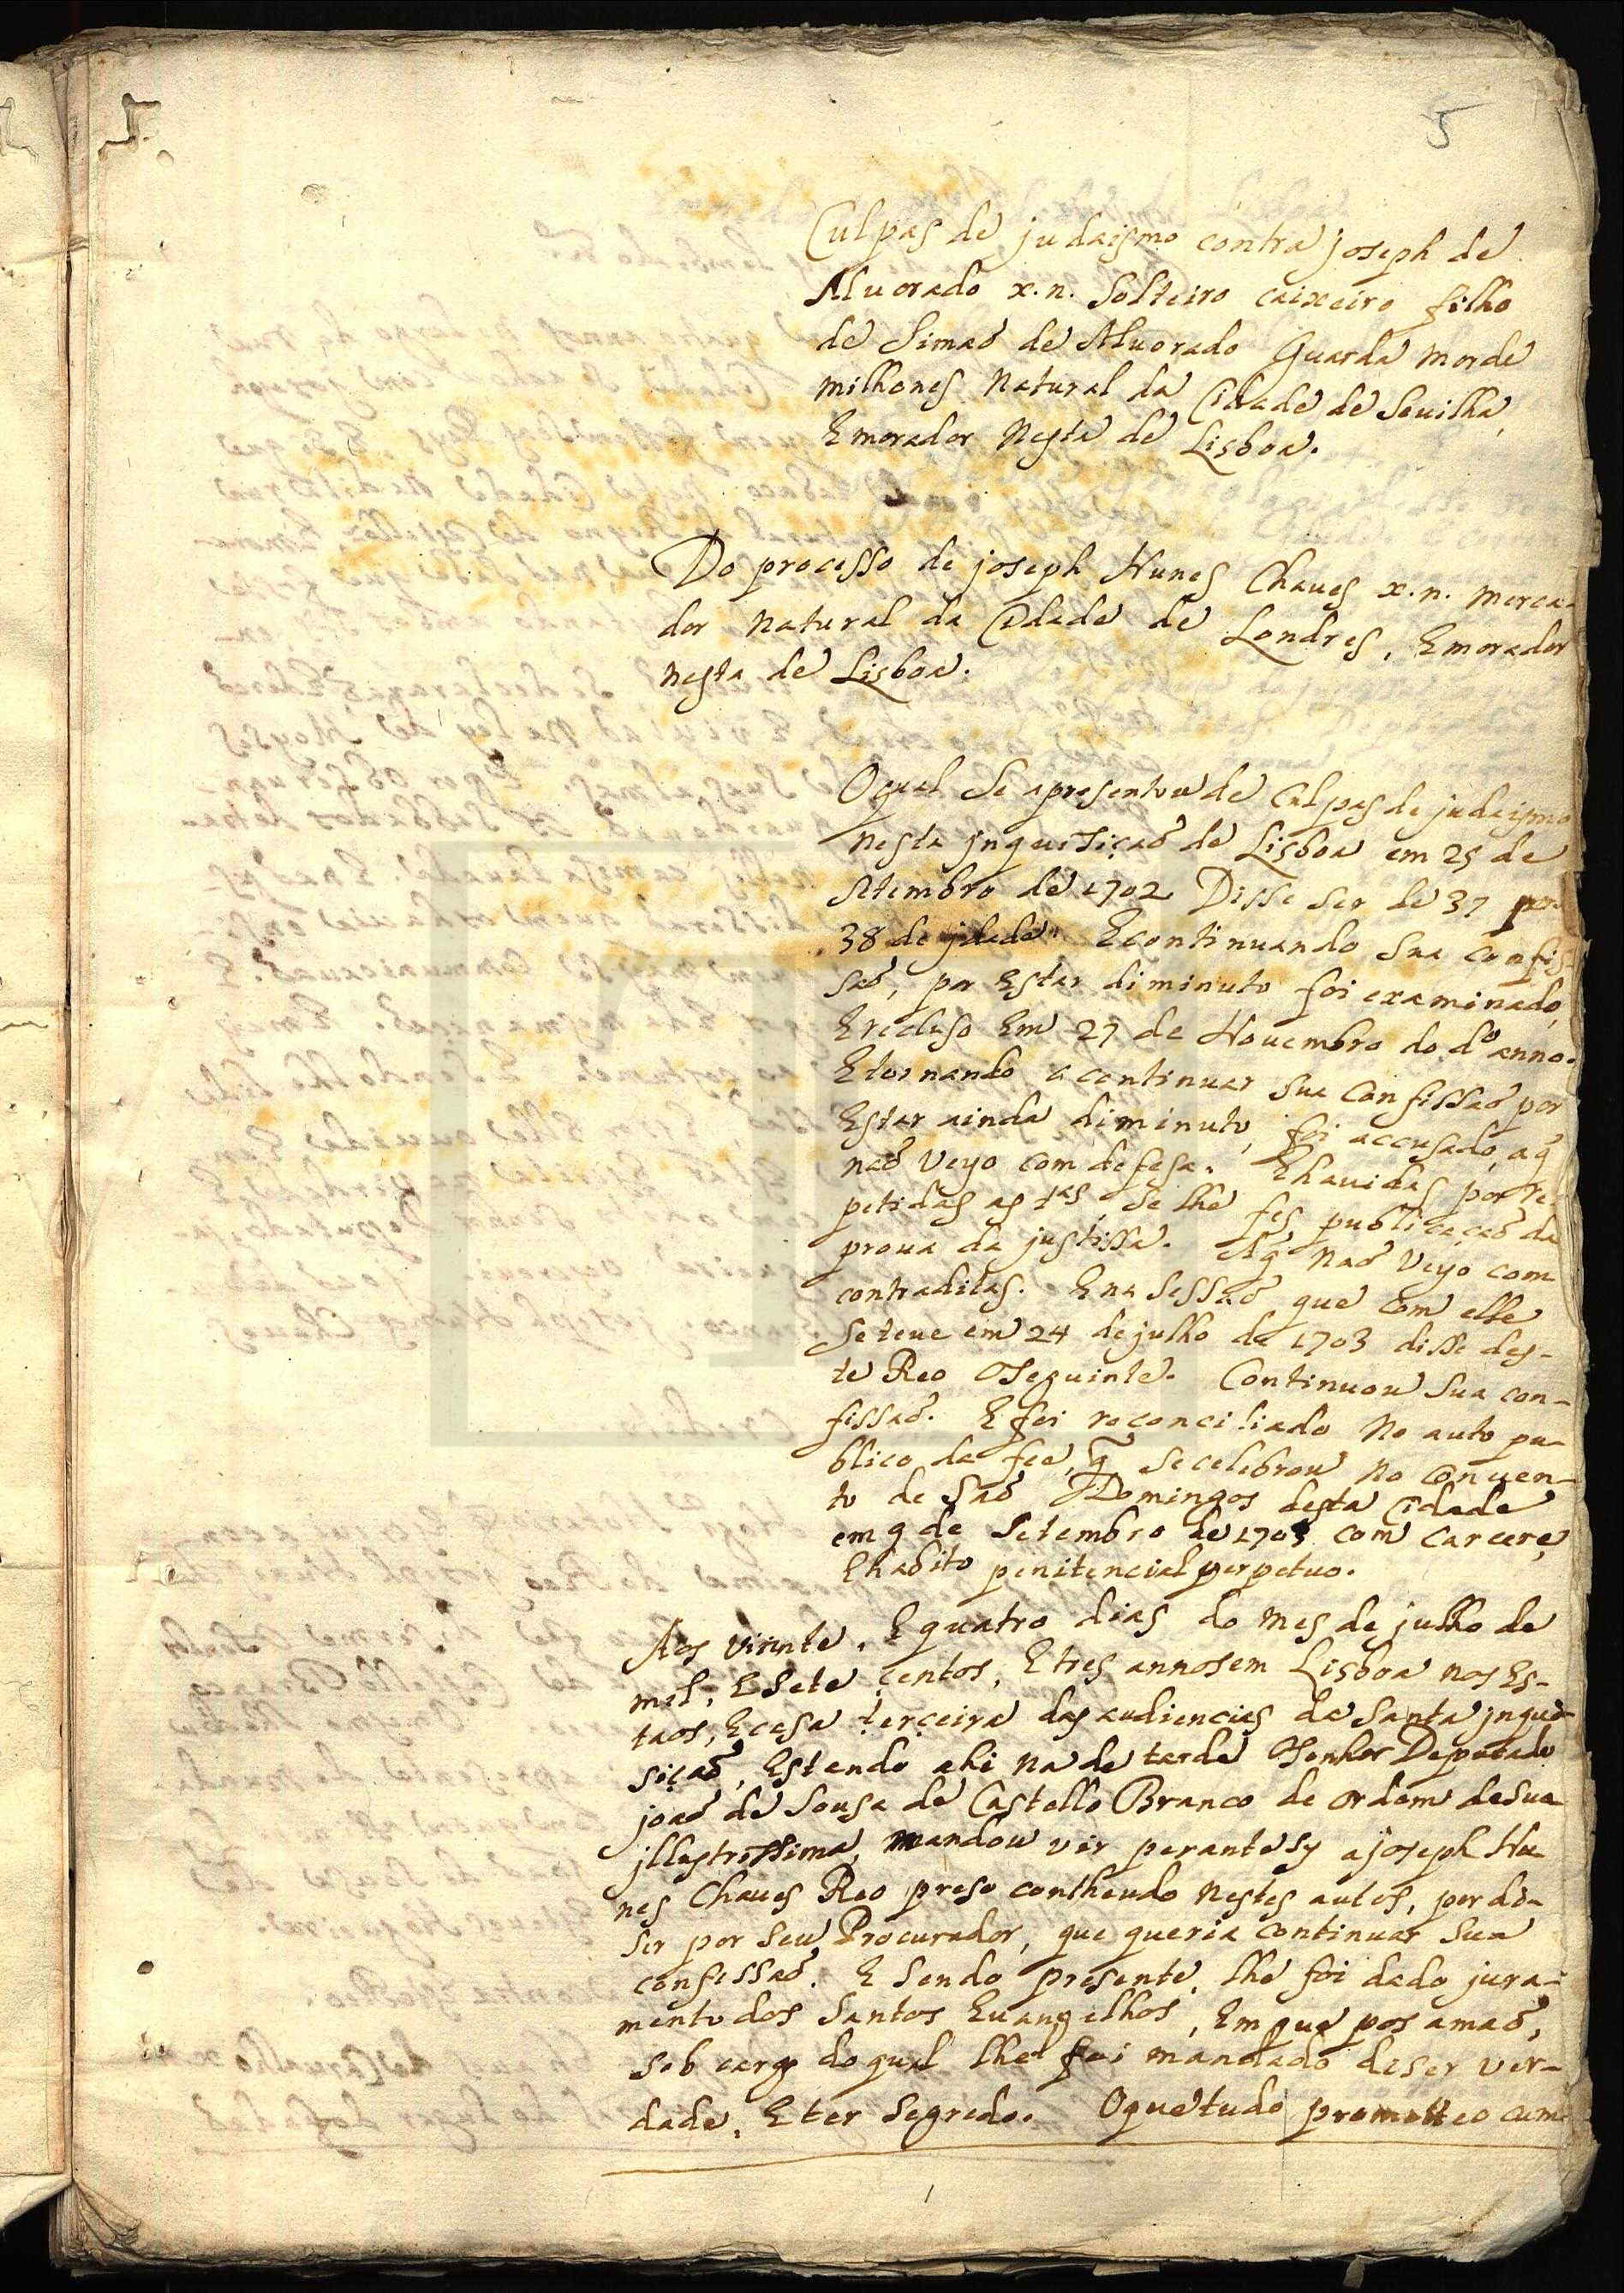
Culpas de judaismo contra joseph de
Aluorado x. n. Solteiro caixeiro filho
de Simaõ de Aluorado Guarda mor de
milhones natural da Cidade de Seuilha,
E morador nesta de Lisboa.
Do processo de joseph Nunes Chaues x. n. merca
dor natural da Cidade de Londres, E morador
nesta de Lisboa.
O qual Se apresentou de Culpas de judaismo
nesta jnquisiçaõ de Lisboa em 25 de
Setembro de 1702 Disse ser de 37 pa.
38 de jdade. E continuando sua confis
saõ, por Estar diminuto foi examinado,
E recluso Em 27 de Nouembro do do anno.
E tornando a continuar sua confissaõ por
Estar ainda diminuto, foi accusado, a q̄
naõ veyo com defesa. E hauidas por re
petidas as tas se lhe fes publicaçaõ da
proua da justissa. A q̄ naõ veyo com
contraditas. E na sessaõ que com elle
se teue em 24 de julho de 1703 disse des
te Reo o seguinte. Continuou sua con
fissaõ. E foi reconciliado no auto pu
blico da fee, q̄ se celebrou no conuen
to de Saõ Domingos desta Cidade
em 9 de Setembro de 1703 com carcere,
E habito penitencial perpetuo.
Aos vinnte, E quatro dias do mes de julho de
mil, E setecentos, E tres annos em Lisboa nos Es
taos, E casa terceira das audiencias da santa jnqui
siçaõ, Estendo ahi na de tarde o Senhor Deputado
joaõ de Sousa de Castello Branco de ordem de sua
jllustrissima, mandou vir perante sy a joseph Nu
nes Chaues Reo preso contheudo nestes autos, por di
ser por seu Procurador, que queria continuar sua
confissaõ. E sendo presente lhe foi dado jura
mento dos Santos Euangelhos, Em que pos a maõ,
sob cargo do qual lhe foi mandado diser ver
dade, E ter segredo. O que tudo prometteo cum
